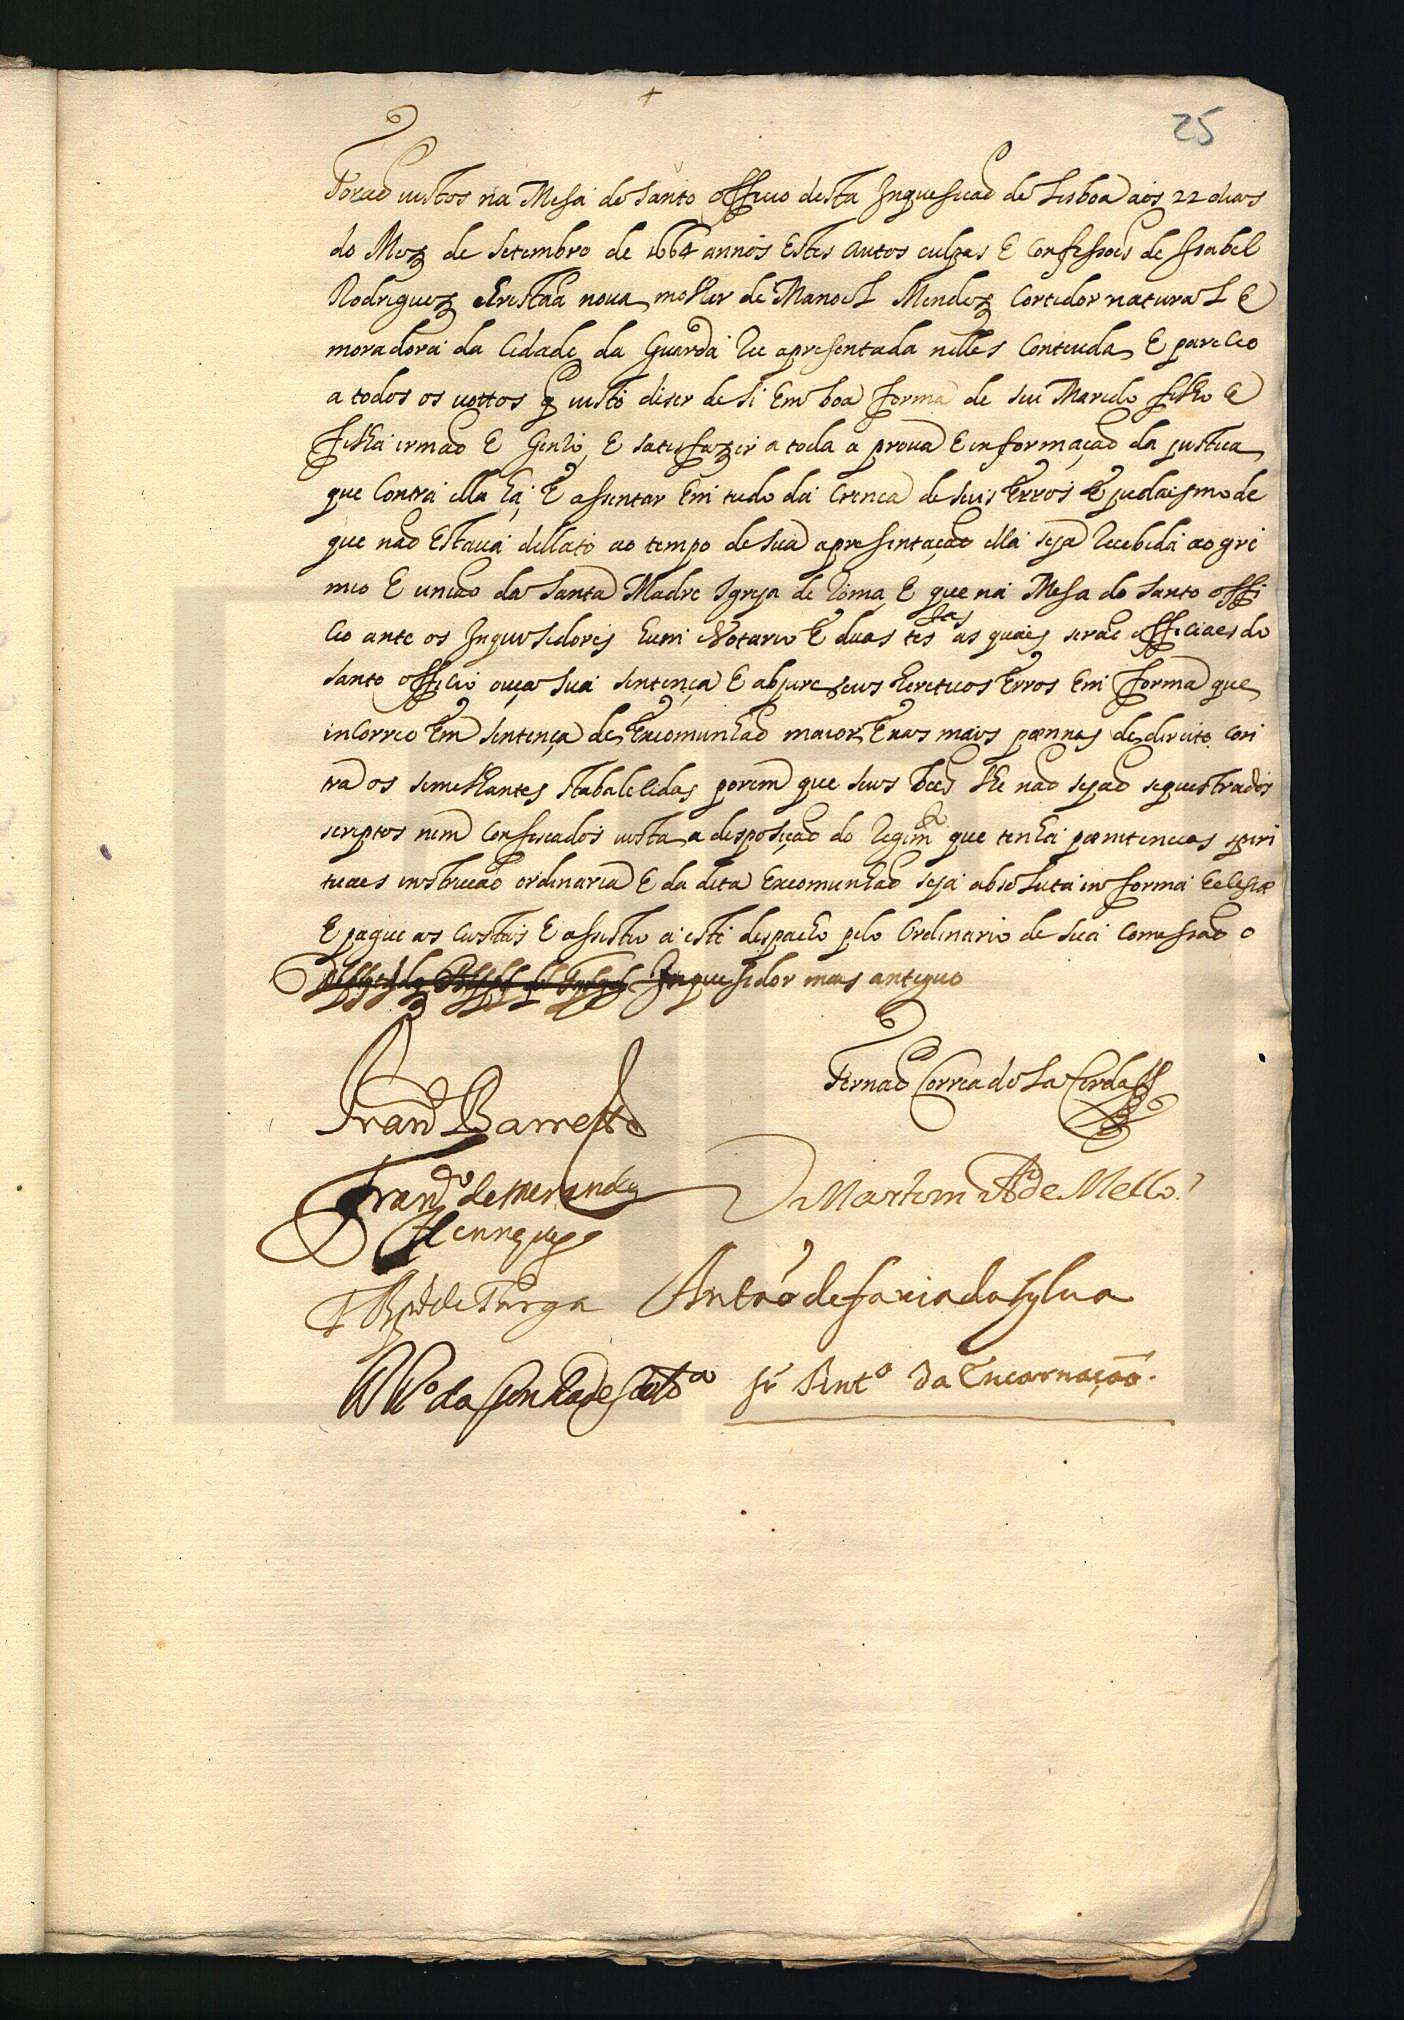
Foraõ uistos na Mesa do Santo officio desta Jnquesiçaõ de Lisboa aos 22 dias
do Mez de Setembro de 1664 annos Estes autos culpas E confissoẽes de Jsabel
Rodriguez christaā noua molher de Manoel Mendez Cortidor natural E
moradora da Cidade da Guarda Ree apresentada nelles Conteuda E pareceo
a todos os uottos q̄ uisto diser de si Em boa forma de seu Marido filho E
filha irmaõ E Genro, E satisfazer a toda a proua E informaçaõ da justiça
que Contra ella ha; E assentar Em tudo da crença de seus Erros E judaismo de
que não Estaua dellato ao tempo de sua apresentação ella seja Recebida ao gre
mio E união da Santa Madre Igreja de Roma E que na Mesa do Santo offi
cio ante os Jnquisidores hum Notario e duas testas as quais serão officiaes do
santo officio ouça sua sentença E abjure seus hereticos Erros Em forma que
incorreo Em sentença de Excomunhaõ maior, E nas mais pennas de direito con
tra os semelhantes estabalecidas porem que seus beēs lhe não sejaõ sequestrados
scriptos nem confiscados uista a disposiçaõ do Regim.to que tenha pœnitencias spiri
tuaes instrução ordinaria E da dita Excomunhaõ seja absoluta in forma Eclesiæ
E pague as custas E assistio a este despacho pello Ordinario de sua comissão o
Deputado Belchior Ferna Jnquisidor mais antiguo
Fernaõ Correa de LaCerda
Fran.co Barretto
Franco de miranda
Henriques
Martim Ao de Mello
F Bpō de Targa
Antaõ de faria da Sylua
D Ro da Cunha de Sald̄a
fr̄ Anto da Encarnação.
